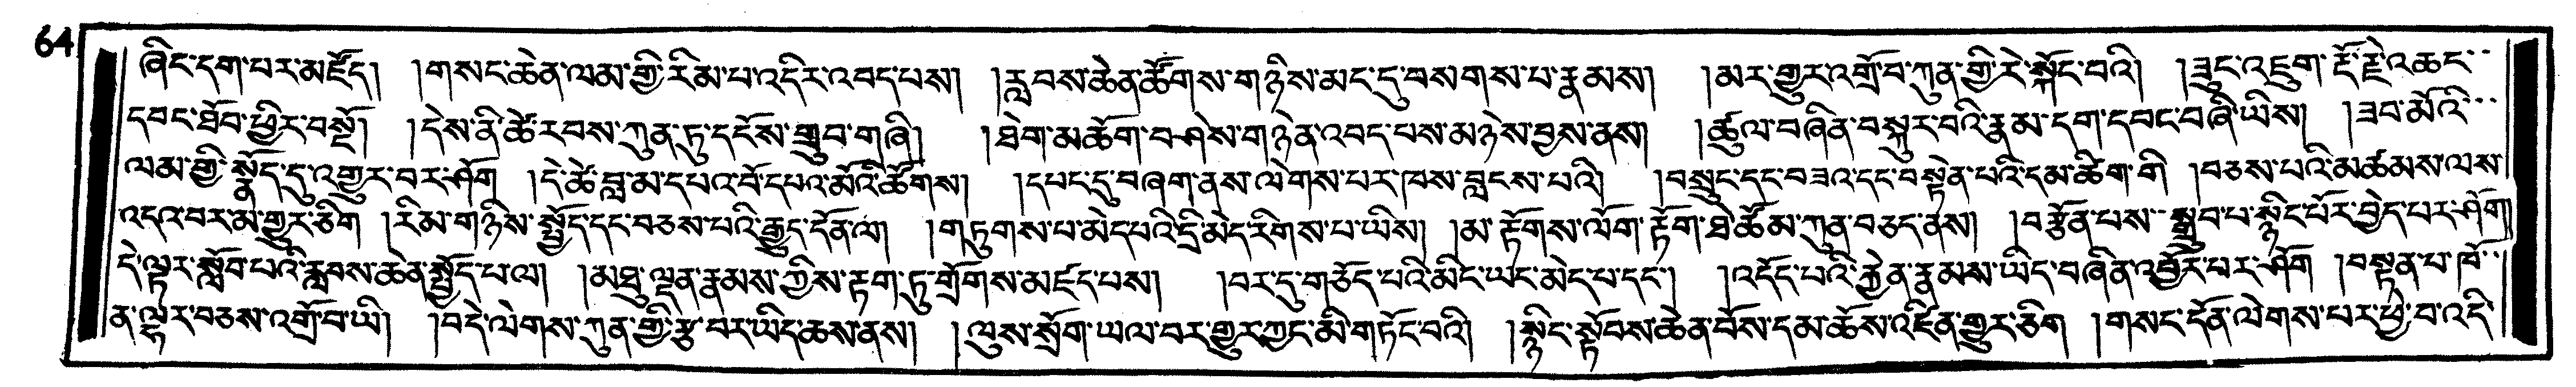ཞིང་དག་པར་མཛོད། །གསང་ཆེན་ལམ་གྱི་རིམ་པ་འདིར་འབད་པས། །རླབས་ཆེན་ཚོགས་གཉིས་མང་དུ་བསགས་པ་རྣམས། །མར་གྱུར་འགྲོ་བ་ཀུན་གྱི་རེ་སྐོང་བའི། །ཟུང་འཇུག་རྡོ་རྗེ་འཆང་
དབང་ཐོབ་ཕྱིར་བསྔོ། །དེས་ནི་ཚེ་རབས་ཀུན་ཏུ་དངོས་གྲུབ་གཞི། །ཐེག་མཆོག་བཤེས་གཉེན་འབད་པས་མཉེས་བྱས་ནས། །ཚུལ་བཞིན་བསྐུར་བའི་རྣམ་དག་དབང་བཞི་ཡིས། །ཟབ་མོའི་
ལམ་གྱི་སྣོད་དུ་འགྱུར་བར་ཤོག །དེ་ཚེ་བླ་མ་དཔའ་བོ་དཔའ་མོའི་ཚོགས། །དཔང་དུ་བཞག་ནས་ལེགས་པར་ཁས་བླངས་པའི། །བསྲུང་དང་བཟའ་དང་བསྟེན་པའི་དམ་ཚིག་གི །བཅས་པའི་མཚམས་ལས་
འདའ་བར་མ་གྱུར་ཅིག །རིམ་གཉིས་སྤྱོད་དང་བཅས་པའི་རྒྱུད་དོན་ལ། །གཏུགས་པ་མེད་པའི་དྲི་མེད་རིགས་པ་ཡིས། །མ་རྟོགས་ལོག་རྟོག་ཐེ་ཚོམ་ཀུན་བཅད་ནས། །བརྩོན་པས་སྒྲུབ་པ་སྙིང་པོར་བྱེད་པར་ཤོག །
དེ་ལྟར་སློབ་པའི་རླབས་ཆེན་སྤྱོད་པ་ལ། །མཐུ་ལྡན་རྣམས་ཀྱིས་རྟག་ཏུ་གྲོགས་མཛད་པས། །བར་དུ་གཅོད་པའི་མིང་ཡང་མེད་པ་དང་། །འདོད་པའི་རྐྱེན་རྣམས་ཡིད་བཞིན་འབྱོར་པར་ཤོག །བསྟན་པ་ཁོ་
ན་ལྷར་བཅས་འགྲོ་བ་ཡི། །བདེ་ལེགས་ཀུན་གྱི་རྩ་བར་ཡིད་ཆས་ནས། །ལུས་སྲོག་ཡལ་བར་གྱུར་ཀྱང་མི་གཏོང་བའི། །སྙིང་སྟོབས་ཆེན་བོས་དམ་ཆོས་འཛིན་གྱུར་ཅིག །གསང་དོན་ལེགས་པར་ཕྱེ་བ་འདི་